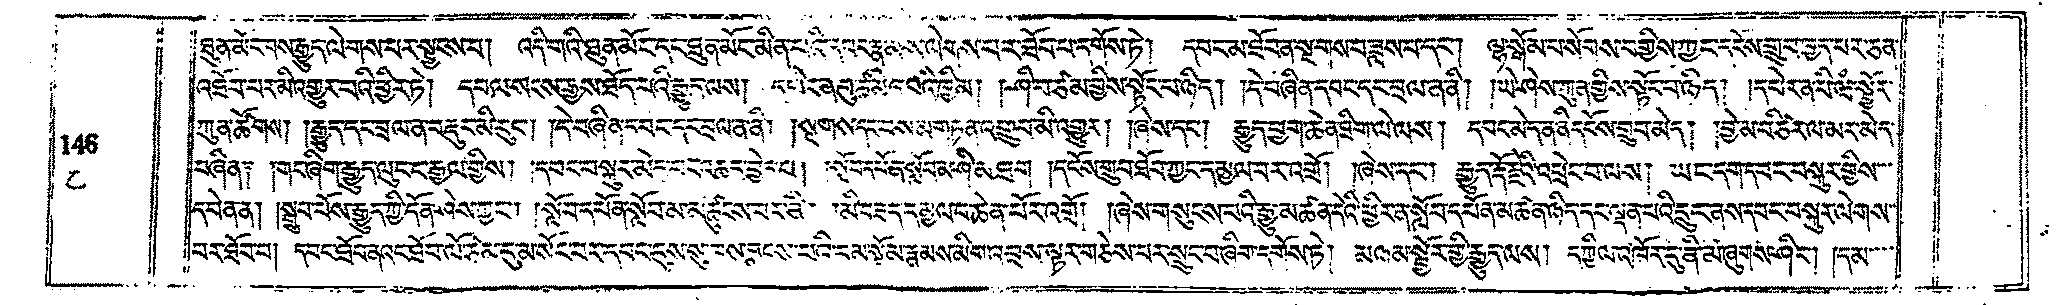ཐུན་མོང་བས་རྒྱུད་ལེགས་པར་སྦྱངས་པ། འདི་གའི་ཐུན་མོང་དང་ཐུན་མོང་མིན་པའི་དབང་རྣམས་ལེགས་པར་ཐོབ་པ་དགོས་ཏེ། དབང་མ་ཐོབ་ན་སྔགས་བཟླས་པ་དང་། ལྷ་སྒོམ་པ་སོགས་བགྱིས་ཀྱང་དངོས་གྲུབ་ཁྱད་པར་ཅན་
འཐོབ་པར་མི་འགྱུར་བའི་ཕྱིར་ཏེ། དཔལ་སངས་རྒྱས་ཐོད་པའི་རྒྱུད་ལས། དཔེར་ནཊ་ཚ་མེད་བའི་ཁྱིམ། །ཤི་བ་ཙམ་གྱིས་སྟོང་པ་ཉིད། །དེ་བཞིན་དབང་དང་བྲལ་ན་ནི། །ཡེ་ཤེས་ཀུན་གྱིས་སྟོང་པ་ཉིད། །དཔེར་ན་པི་ཝཾ་སྦྱོར་
ཀུན་ཚོགས། །རྒྱུད་དང་བྲལ་ན་བརྡུང་མི་རུང་། །དེ་བཞིན་དབང་དང་བྲལ་ན་ནི། །སྔགས་དང་བསམ་གཏན་འགྲུབ་མི་འགྱུར། །ཞེས་དང་། རྒྱུད་ཕྱག་ཆེན་ཐིག་ལེ་ལས། དབང་མེད་ན་ནི་དངོས་གྲུབ་མེད། །བྱེ་མ་བཙིར་ལ་མར་མེད་
བཞིན༑ ༑གང་ཞིག་རྒྱུད་ལུང་ང་རྒྱལ་གྱིས། །དབང་བསྐུར་མེད་པར་འཆད་བྱེད་པ། །སློབ་དཔོན་སློབ་མ་ཤི་མཐག །དངོས་གྲུབ་ཐོབ་ཀྱང་དམྱལ་བར་འགྲོ། །ཞེས་དང་། རྒྱུད་རྡོ་རྗེའི་འཕྲེང་བ་ལས། ཡང་དག་དབང་བསྐུར་གྱིས་་་
དབེན་ན། །སྒྲུབ་པོས་རྒྱུད་ཀྱི་དོན་ཤེས་ཀྱང་། །སློབ་དཔོན་སློབ་མ་མཚུངས་པར་ནི། །མི་བཟད་དམྱལ་བ་ཆེན་པོར་འགྲོ། །ཞེས་གསུངས་པའི་རྒྱུ་མཚན་དེའི་ཕྱིར་ན་སློབ་དཔོན་མཚན་ཉིད་དང་ལྡན་པའི་དྲུང་ནས་དབང་བསྐུར་ལེགས་་་
པར་ཐོབ་པ། དབང་ཐོབ་ནའང་ཐོབ་ལོ་ཙམ་དུ་མ་སོང་བར་དབང་དུས་སུ་ཁས་བླངས་པའི་དམ་སྡོམ་རྣམས་མིག་འབྲས་ལྟར་གཅེས་པར་སྲུང་བ་ཞིག་དགོས་ཏེ། མཉམ་སྦྱོར་གྱི་རྒྱུད་ལས། དཀྱིལ་འཁོར་དུ་ནི་མ་ཞུགས་ཤིང་། །དམ་་་